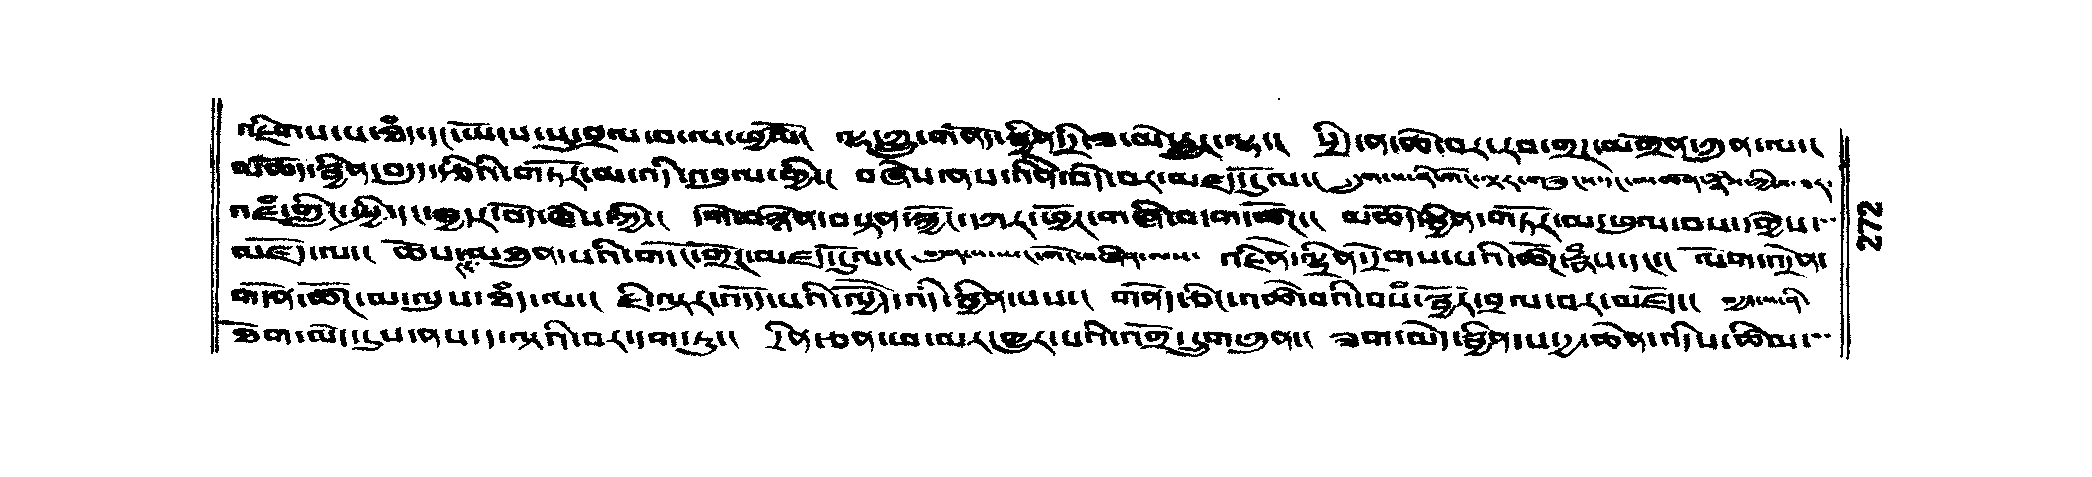འཇིགས་པ་ཐམས་ཅད་ཡོངས་སུ་བྲལ་བ་ལ་ཕྱག་འཚལ་ལོ། །ལྷ་ཀླུ་གནོད་སྦྱིན་དྲི་ཟ་མེ་རླུང་ལྷ། །སྲིད་ན་ཆེ་བར་རབ་གྲགས་མགོན་ཀུན་ལ། །
མཆོད་སྦྱིན་བདུད་རྩིའི་གཏོར་མ་འདི་འབུལ་གྱི། །བཞེས་ནས་འཇིག་རྟེན་བདེ་བར་མཛད་དུ་གསོལ། །དྲུག་པ་ནི་གོང་ལྟར་གཟུངས་དང་མཚན་རྣམས་ཀྱི་མཐར། 
འཛམ་གླིང་སྤྱི་དང་ཁྱད་པར་བོད་ཁམས་ཀྱི། །དགེ་བསྙེན་བསྟན་སྐྱོང་དཀར་ཕྱོགས་གཞི་བདག་ཚོགས། །མཆོད་སྦྱིན་གཏོར་མ་ཕུལ་བས་དགྱེས་
མཛོད་ལ། །ཆོས་དང་མཐུན་པའི་སྡོང་གྲོགས་མཛད་དུ་གསོལ། །བདུན་པ་ཡང་གོང་བཞིན་ལས། འཇིག་རྟེན་ལྷ་སྲིན་དྲེགས་པའི་ཚོགས་རྣམས་དང་། །ལོག་འདྲེན་
གདོན་ཚོགས་མ་ལུས་ཐམས་ཅད་ལ། །ཇི་ལྟར་འདོད་པའི་ལོངས་སྤྱོད་འདི་སྦྱིན་པས། །གནོད་ཅིང་འཚེ་བའི་བསམ་སྦྱོར་བྲལ་བར་མཛོད། ། བརྒྱད་པ་ནི། 
ཐོག་མེད་དུས་ནས་ད་ལྟའི་བར་དག་ཏུ། །དྲིན་ཅན་ཕ་མར་གྱུར་པའི་འགྲོ་དྲུག་ཀུན། །ཟག་མེད་སྦྱིན་པ་རྒྱ་ཆེན་འདིས་ཚིམ་